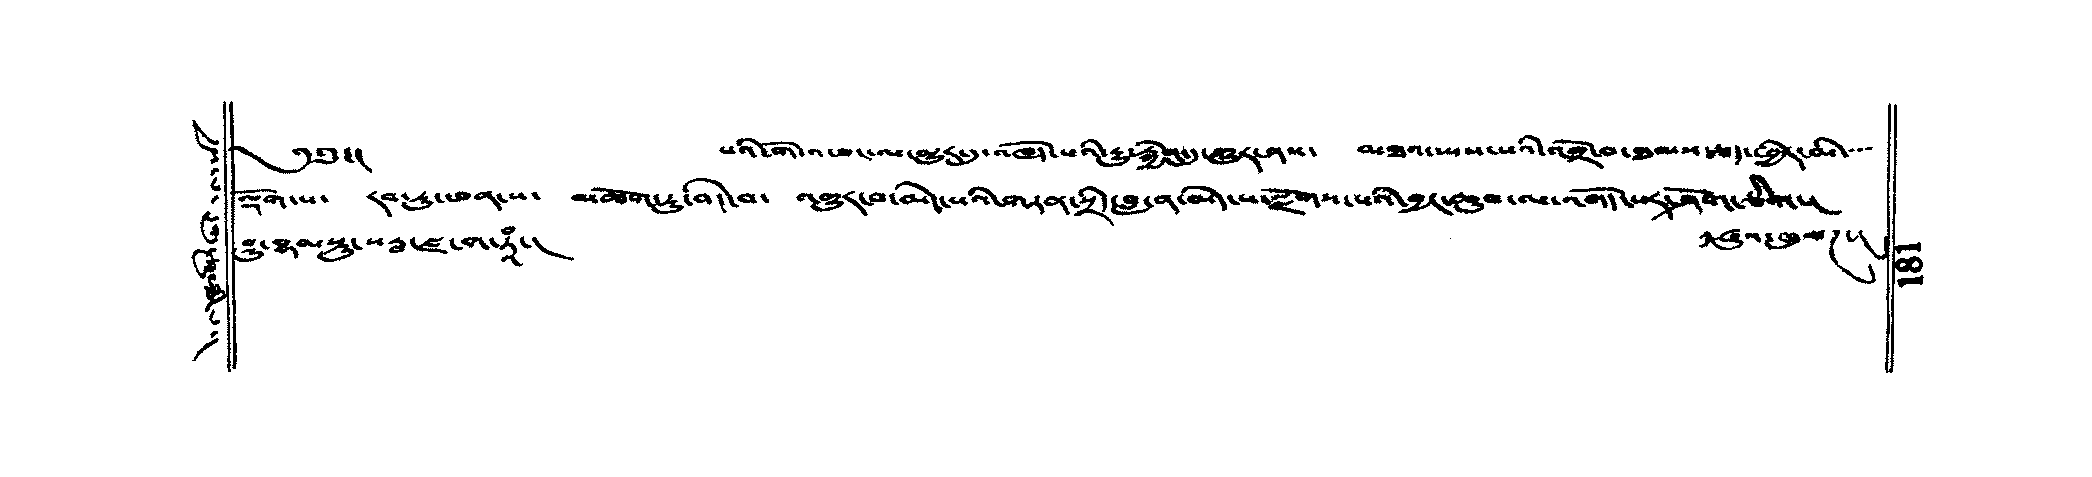པའི་གོ་འཕང་ལ་མྱུར་དུ་འཁོར་རྒྱུ་རྐྱེན་དུ་གྱུར་ནས། མཐའ་ཡས་པའི་འགྲོ་བ་ཐམས་ཅད་ཕྱིར་མི་
ལྡོག་པ། རབ་ཏུ་ཕན་པ། མཆོག་ཏུ་བདེ་བ། འགྱུར་བ་མེད་པའི་གཏན་སྲིད་བླ་ན་མེད་པ་རྫོགས་པའི་བྱང་ཆུབ་ལ་འགོད་པར་ཤོག་ཅིག 
ཤུ་གྷྨ་སྡུ་སརྦ་ཛ་ག་ཏཱཾ།